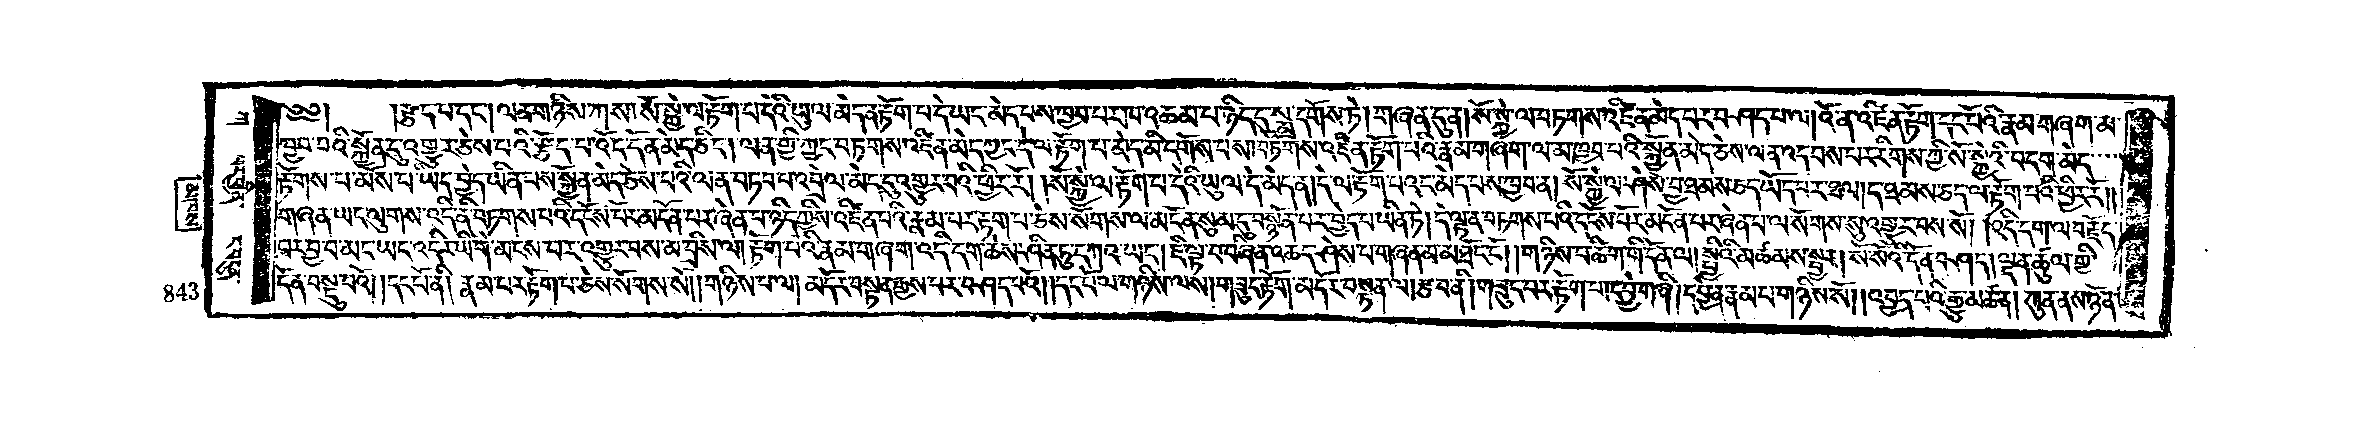༄༅། །རྩོད་པ་དང་། ལན་གཉིས་ཀས། སོ་སྐྱེ་ལ་རྟོག་པ་དེའི་ཡུལ་མེད་ན་རྟོག་པ་དེ་ཡང་མེད་པས་ཁྱབ་པར་ཁ་འཆམ་པ་ཉིད་དུ་སྨྲ་དགོས་ཏེ། གཞན་དུ་ན། སོ་སྐྱེ་ལ་བཏགས་འཛིན་མེད་པར་བཤད་པ་ལ། འོ་ན་འཛིན་རྟོག་དང་པོའི་རྣམ་གཞག་མ་
ཁྱབ་པའི་སྐྱོན་དུ་འགྱུར་ཅེས་པའི་རྩོད་པ་འོང་དོན་མེད་ཅིང་། ལན་གྱི་ཀྱང་བཏགས་འཛིན་མེད་ཀྱང་དེ་ལ་རྟོག་པ་མེད་མི་དགོས་པས་བཏགས་འཛིན་རྟོག་པའི་རྣམ་གཞག་ལ་མ་ཁྱབ་པའི་སྐྱོན་མེད་ཅེས་ལན་འདབས་པར་རིགས་ཀྱི་སོ་སྐྱེའི་བདག་མེད་
རྟོགས་པ་མོས་པ་ཡིད་བྱེད་ཡིན་པས་སྐྱོན་མེད་ཅེས་པའི་ལན་བཏབ་པ་འབྲེལ་མེད་དུ་འགྱུར་བའི་ཕྱིར་རོ། །སོ་སྐྱེ་ལ་རྟོག་པ་དེའི་ཡུལ་དེ་མེད་ན། དེ་ལ་རྟོག་པའང་མེད་པས་ཁྱབ་ན། སོ་སྐྱེ་ལ་ཤེས་བྱ་ཐམས་ཅད་ཡོད་པར་ཐལ། དེ་ཐམས་ཅད་ལ་རྟོག་པའི་ཕྱིར་རོ། །
གཞན་ཡང་ལུགས་འདི་ནི་བཏགས་པའི་དངོས་པོར་མངོན་པར་ཞེན་པ་ཉིད་ཀྱིས་འཛིན་པའི་རྣམ་པར་རྟག་པ་ཅེས་སོགས་ལ་མངོན་སུམ་དུ་བསྙོན་པར་བྱེད་པ་ཡིན་ཏེ། དེ་ལྟ་ན་བཏགས་པའི་དངོས་པོར་མངོན་པར་ཞེན་པ་ལ་སོགས་སུ་འགྱུར་བས་སོ། །འདི་དག་ལ་བརྗོད་
པར་བྱ་བ་མང་ཡང་འདིར་ཡི་གེ་མངས་བར་འགྱུར་བས་མ་བྲིས་ལ། རྟོག་པའི་རྣམ་གཞག་འདི་དག་ཆེས་ཤིན་ཏུ་དཀའ་ཡང་། ཇི་ལྟ་བ་བཞིན་འཆད་ཤེས་པ་གཞན་མ་མཐོང་ངོ། །གཉིས་པ་ཚིག་གི་དོན་ལ། སྤྱིའི་མཚམས་སྦྱར། སོ་སོའི་དོན་བཤད། ལྡན་ཚུལ་གྱི་
དོན་བསྡུ་བའོ། །དང་པོ་ནི། རྣམ་པར་རྟོག་པ་ཅེས་སོགས་སོ། །གཉིས་པ་ལ། མདོར་བསྟན་རྒྱས་པར་བཤད་པའོ། །དང་པོ་ལ་གཉིས་ལས། གཟུང་རྟོག་མདོར་བསྟན་ལ། རྩ་བ་ནི། གཟུང་བར་རྟོག་པ། དབྱེ་གཞི། དབྱེ་ན་རྣམ་པ་གཉིས་སོ། །འབྱེད་པའི་རྒྱུ་མཚན། ཀུན་ནས་ཉོན་